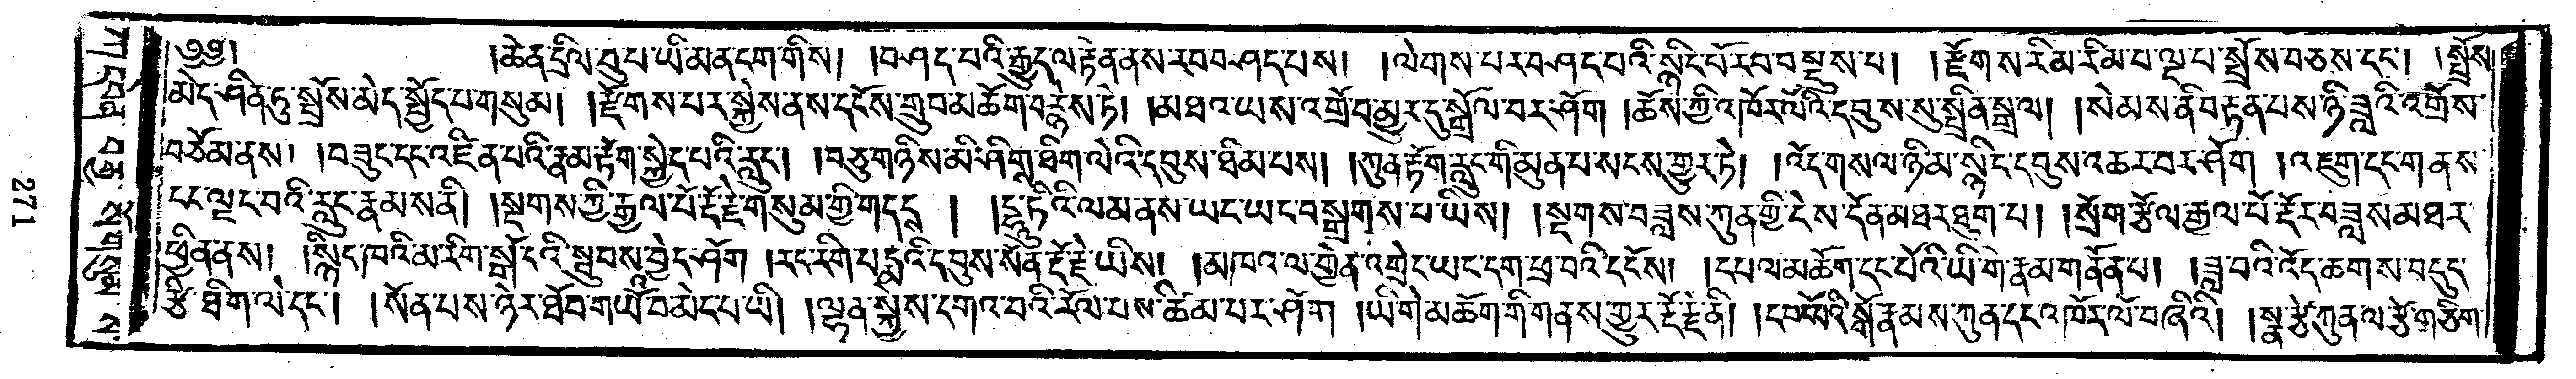༄༅། །ཆེན་དྲིལ་བུ་པ་ཡི་མན་ངག་གིས། །བཤད་པའི་རྒྱུད་ལ་རྟེན་ནས་རབ་བཤད་པས། །ལེགས་པར་བཤད་པའི་སྙིང་པོ་རབ་བསྡུས་པ། །རྫོགས་རིམ་རིམ་པ་ལྔ་པ་སྤྲོས་བཅས་དང་། །སྤྲོས་
མེད་ཤིན་ཏུ་སྤྲོས་མེད་སྤྱོད་པ་གསུམ། །རྫོགས་པར་སྐྱེས་ནས་དངོས་གྲུབ་མཆོག་བརྙེས་ཏེ། །མཐའ་ཡས་འགྲོ་བ་མྱུར་དུ་སྒྲོལ་བར་ཤོག །ཆོས་ཀྱི་འཁོར་ལོའི་དབུས་སུ་སྤྲིན་སྒྲ་ལ། །སེམས་ནི་བརྟན་པས་ཉི་ཟླའི་འགྲོས་
བཅོམ་ནས། །བཟུང་དང་འཛིན་པའི་རྣམ་རྟོག་སྐྱེད་པའི་རླུང་། །བཅུ་གཉིས་མི་ཤིགས་ཐིག་ལེའི་དབུས་ཐིམ་པས། །ཀུན་རྟོག་རླུང་གི་མུན་པ་སངས་གྱུར་ཏེ། །འོད་གསལ་ཉི་མ་སྙིང་དབུས་འཆར་བར་ཤོག །འཇུག་དང་གནས་
ངང་ལྡང་བའི་རླུང་རྣམས་ནི། །སྔགས་ཀྱི་རྒྱལ་པོ་རྡོ་རྗེ་གསུམ་གྱི་གདངས། །དྷཱུ་ཏིའི་ལམ་ནས་ཡང་ཡང་བསྒྲགས་པ་ཡིས། །སྔགས་བཟླས་ཀུན་གྱི་ངེས་དོན་མཐར་ཐུག་པ། །སྲོག་རྩོལ་རྒྱལ་པོ་རྡོར་བཟླས་མཐར་
ཕྱིན་ནས། །སྙིང་ཁའི་མ་རིག་སྒོ་ངའི་སྦུབས་བྱེད་ཤོག །རང་རིག་པདམའི་དབུས་སོན་རྡོ་རྗེ་ཡིས། །མཁའ་ལ་གྱེན་འགྲེང་ཡང་དག་ཕྲ་བའི་དངོས། །དཔལ་མཆོག་དང་པོའི་ཡི་གེ་རྣམ་གནོན་པ། །ཟླ་བའི་འོད་ཆགས་བདུད་
རྩི་ཐིག་ལེ་དང་། །སོན་པས་ཉེར་ཐོབ་གཡོ་བ་མེད་པ་ཡི། །ལྷན་སྐྱེས་དགའ་བའི་རོལ་པས་ཚིམ་པར་ཤོག །ཡི་གེ་མཆོག་གི་གནས་གྱུར་རྡོ་རྗེ་ནི། །དབང་བོའི་སྒོ་རྣམས་ཀུན་དང་འཁོར་ལོ་བཞིའི། །སྣ་རྩེ་ཀུན་ལ་རྩེ་གཅིག་